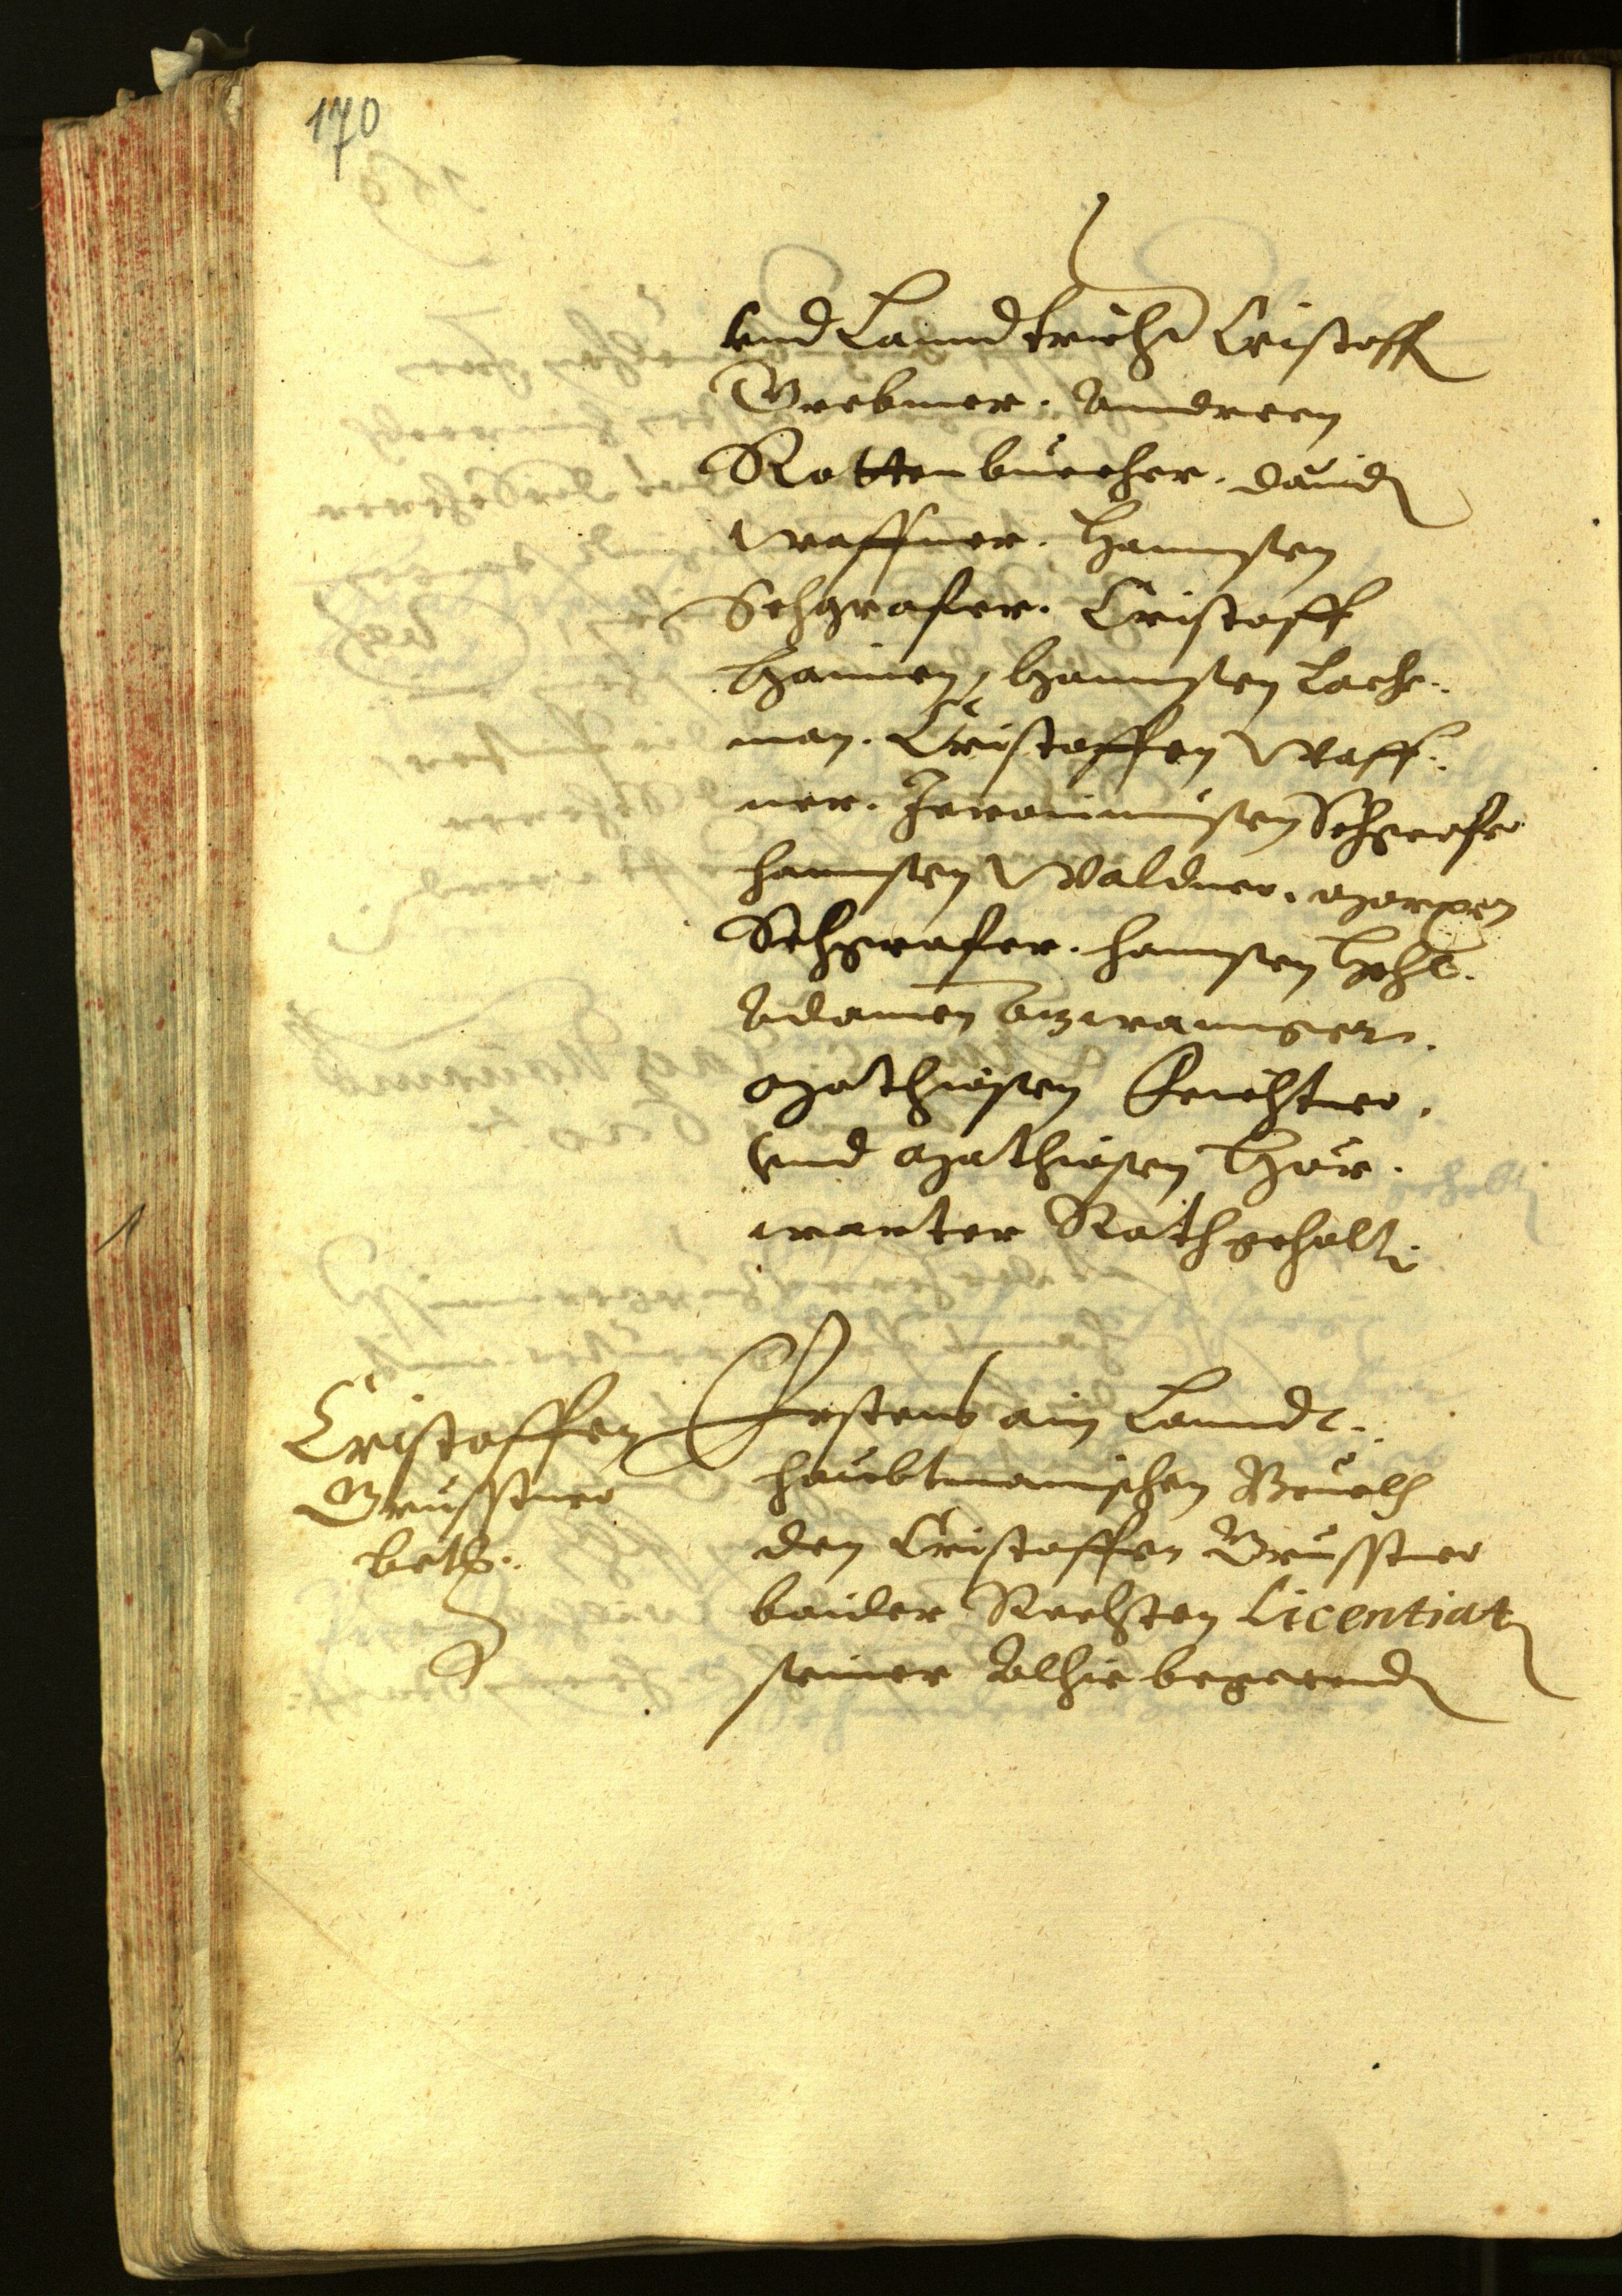170
vnd Lanndtricht Cristoff
Grebmer. Anndreen
Rottenbūecher. Daūid
Waffner. Hannsen
Schgrafer. Cristoff
Haimen, Hannsen Loche¬
man. Cristoffen Waff¬
ner. Jeronimūsen Schgrafer.
hannsen Waldner. Marxen
Schgrafer. hannsen Hehl.
Adamen Azwannger.
Mathiasen Feichtner.
vnd Mathiasen Hōr¬
warter Rath gehalt.
Erstens ain Lanndt¬
haūbtmanischen Beūelh
den Cristoffen Grūsstner
baider Rechten Licentiat
seiner Alhie begerend
Cristoffen
Grūsstner
bet: